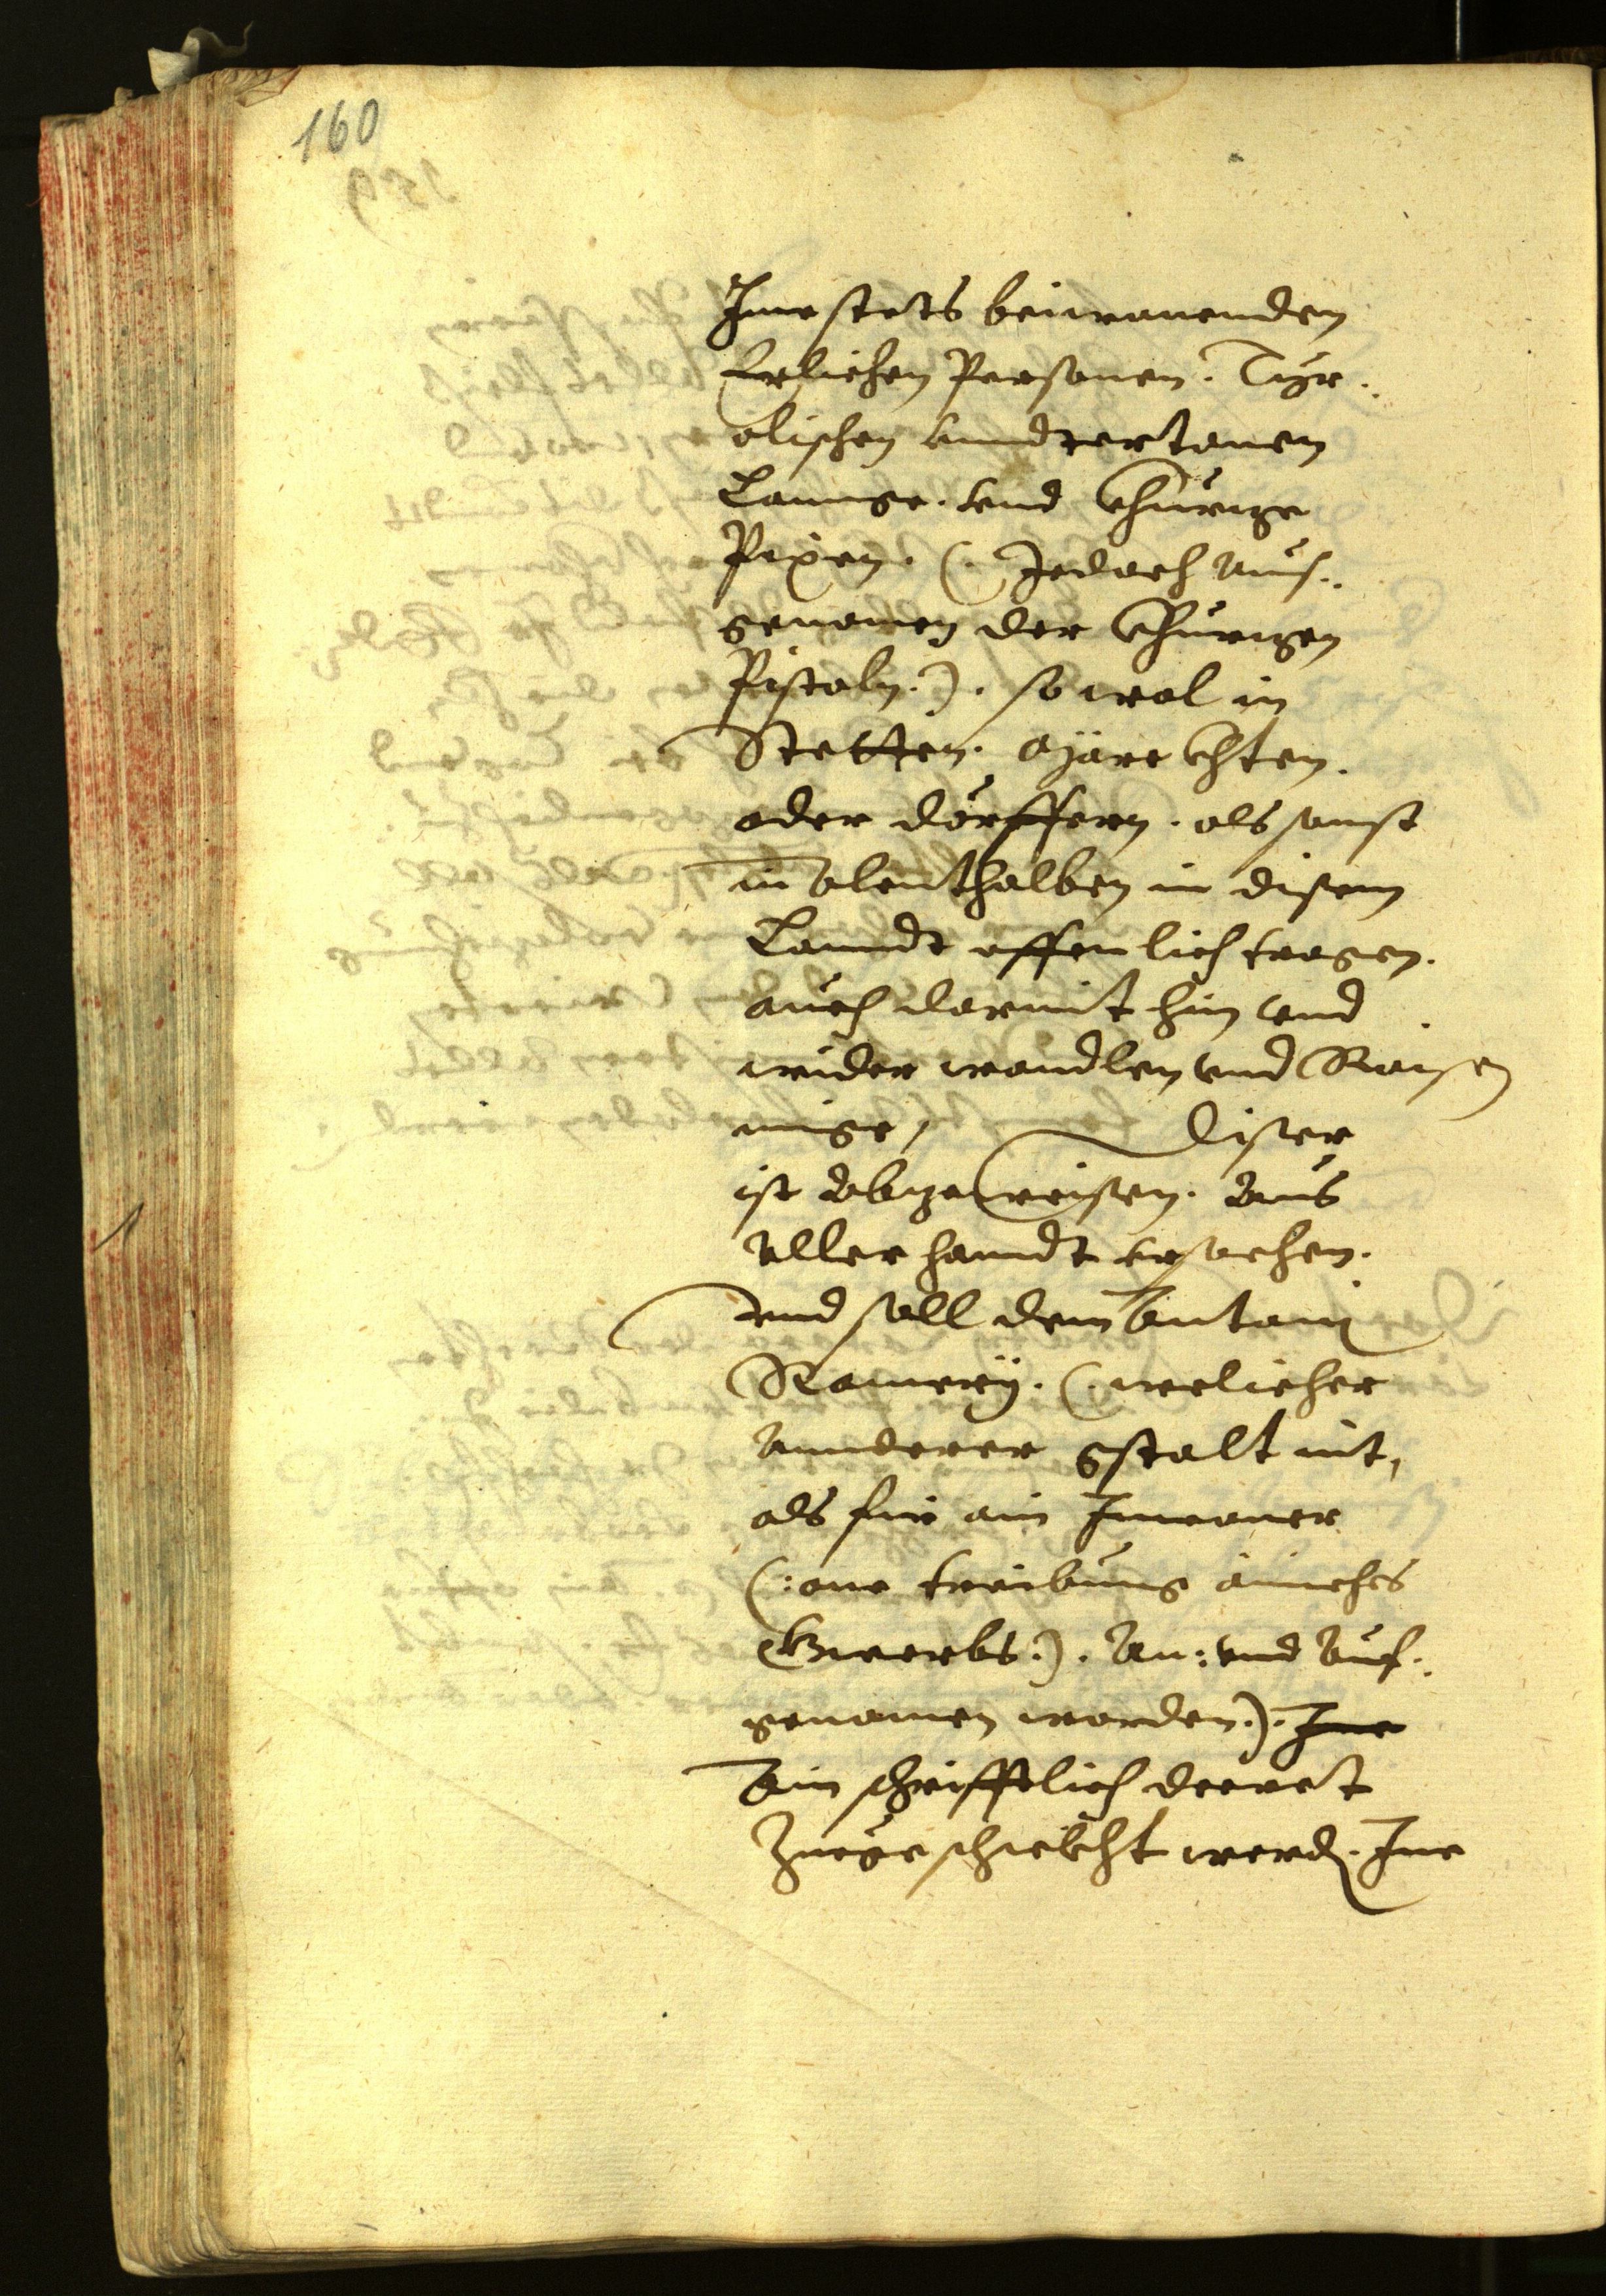160
Ime stets beiwonenden
Erlichen Personen. Tȳr¬
olischen vnndtertanen
Lannge. vnd khūrze
Pixen .(.Jedoch Aūs¬
genomen der khūrtzen
Pistoln.). so wol in
Stetten. Märckhten.
oder dōrffern. als sonst
in Alenthalben in disem
Lanndt offenlich tragen.
aūch darmit hin vnd
wider wandlen vnd Raisen
mige, Diser
ist Abzeweisen. Aūs
Aller handt vrsachen.
vnd soll dem Antonj
Romerÿ .(.welicher
Annderer gstalt nit,
als fir ain Inwoner
(:one treibūng ainiches
Gwerbs.). An: vnd Aūf¬
genomen worden.). Ime
Ain schrifftlich decret
Zūegeschickht werd. Ine